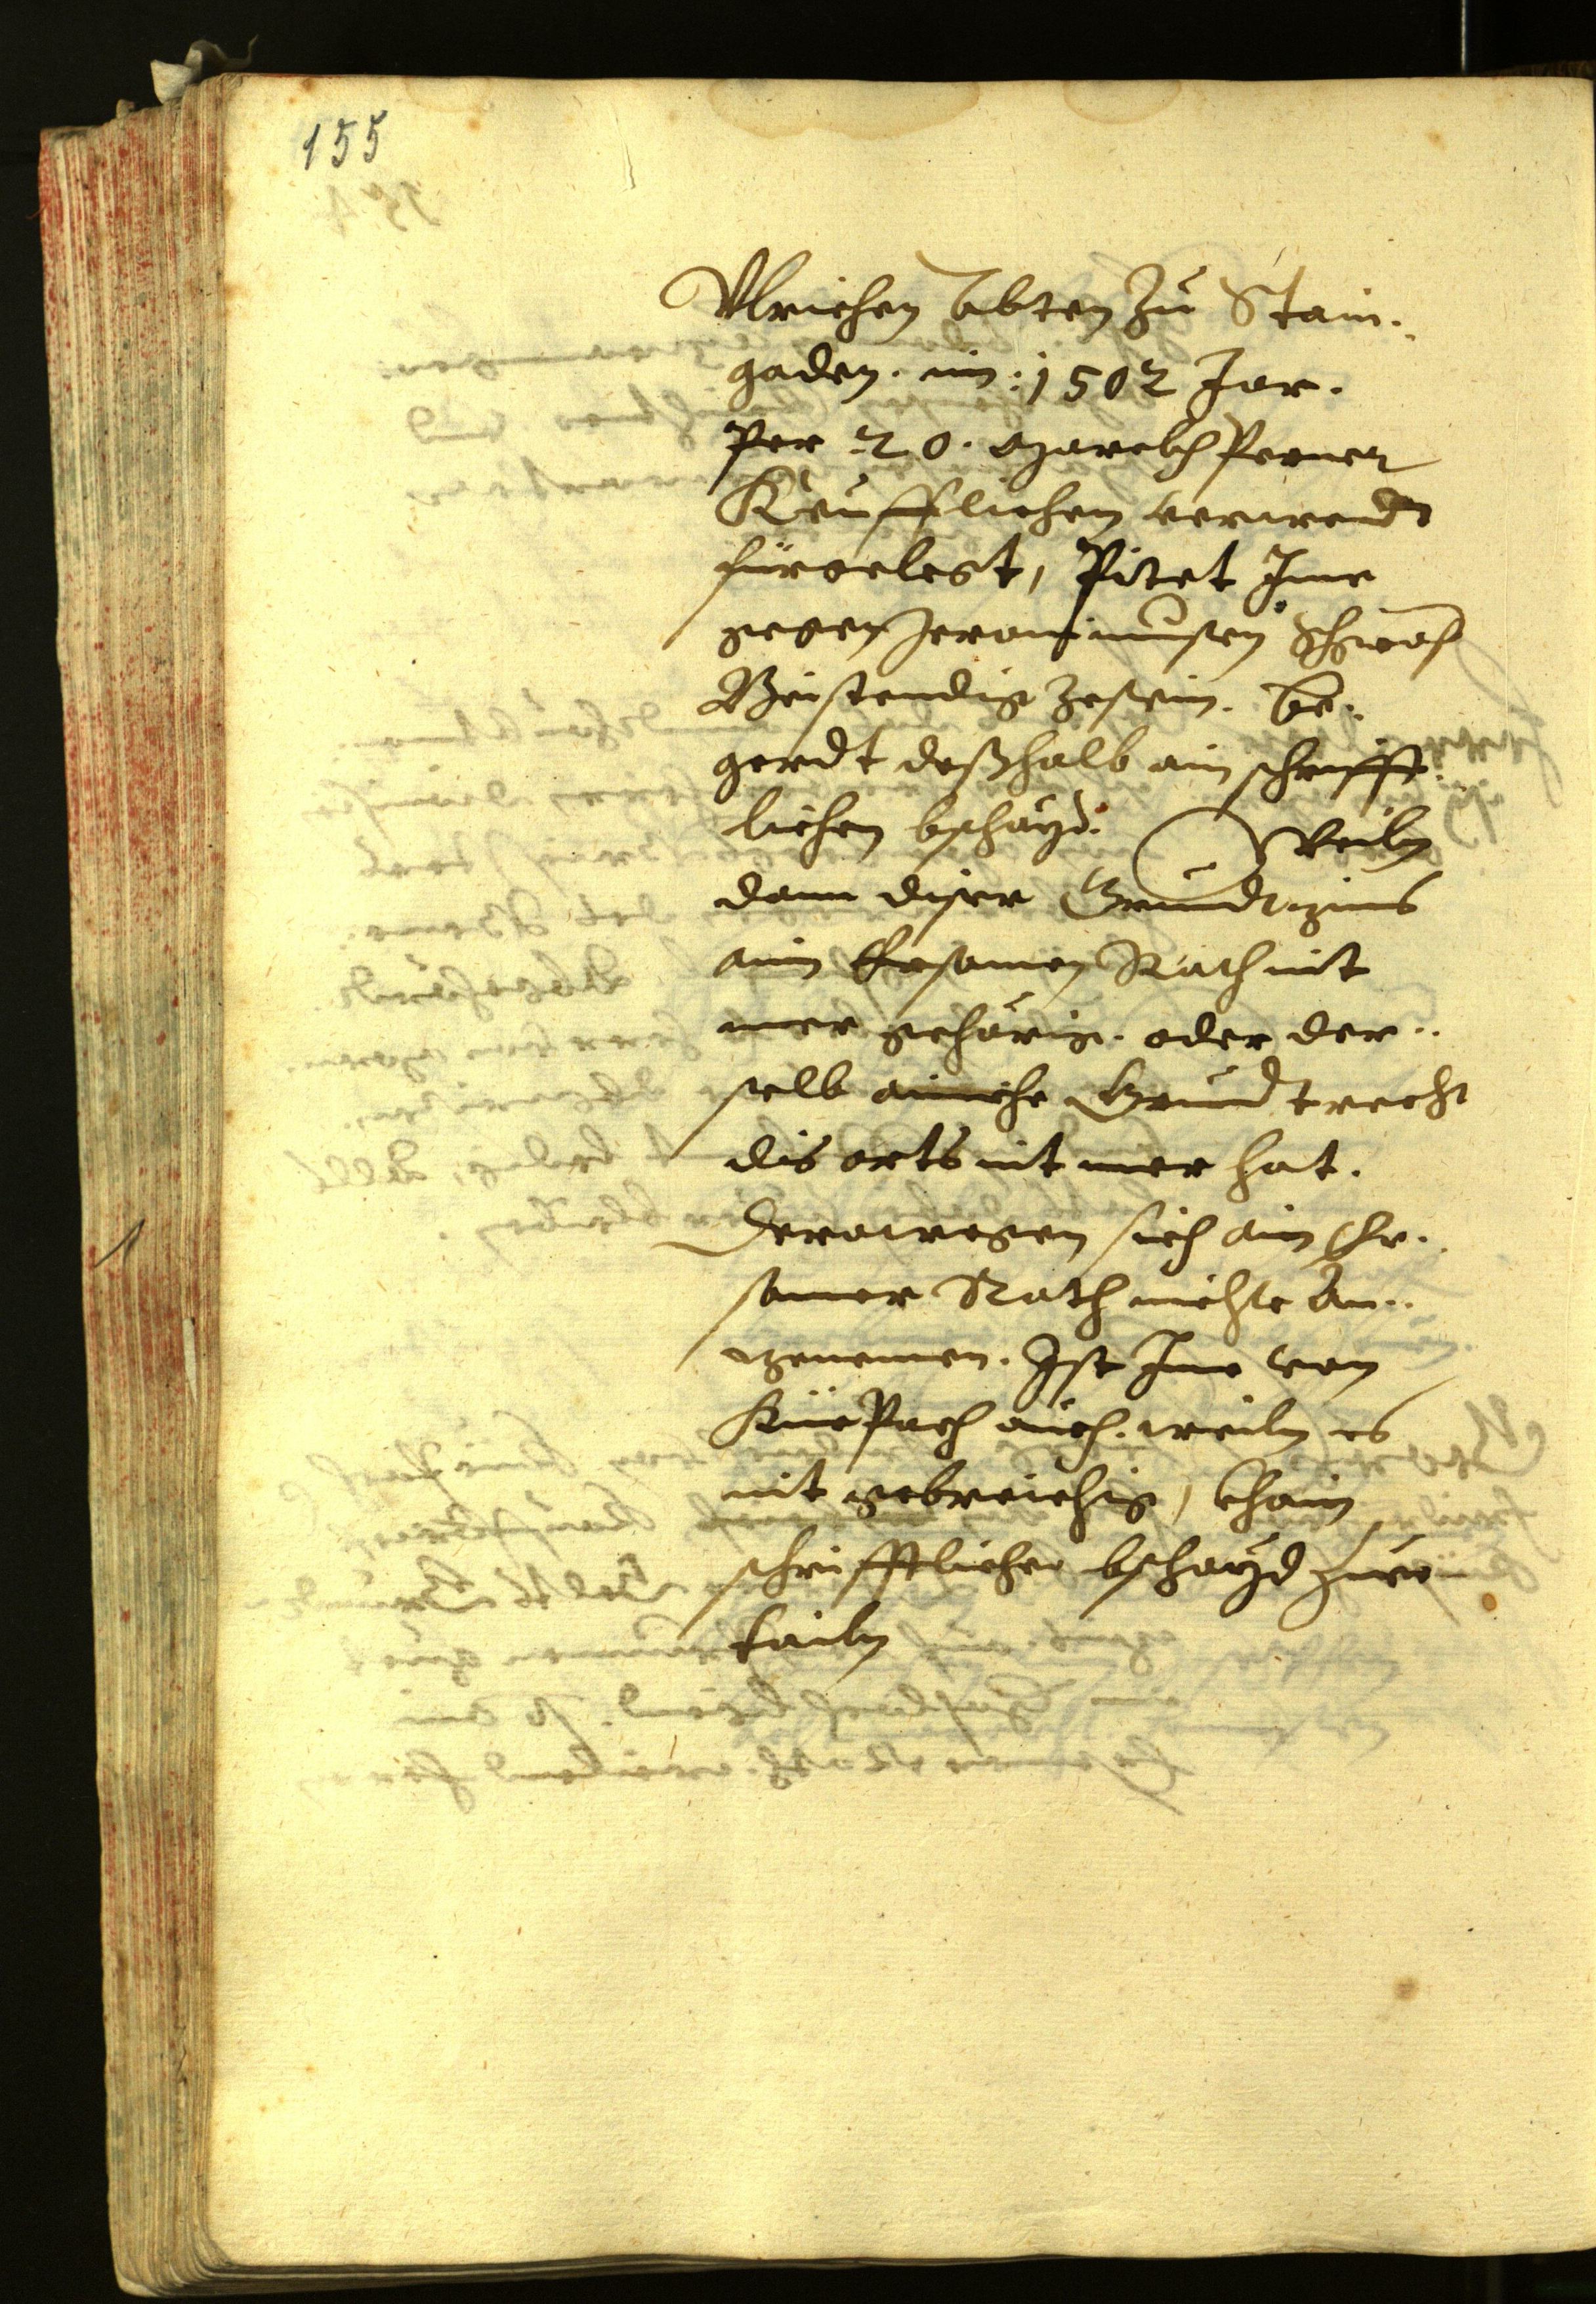155
Vlrichen Abten Zū Stain¬
gaden. im: 1502 Jar.
Per .20. Marckh Perner
Keūfflichen verwendt
fürgelegt, Pitet Ime
gegen Jeronimūsen Schgraf
Beistendig Zesein. be¬
gerdt deßhalb ain schrifft¬
lichen bschaȳd. Weiln
dann diser Grūndtzins
aim Ersamen Rath nit
mer gehōrig. oder der¬
selb ainiche Grūndtrecht
dis orts nit mer hat.
Derowegen sich ain Er¬
samer Rath nichte An¬
zenemen. Ist Ime von
Küe Pach aūch. weiln es
nit gebreichig, khain
schrifftlicher bschaȳd Zūer¬
tailn